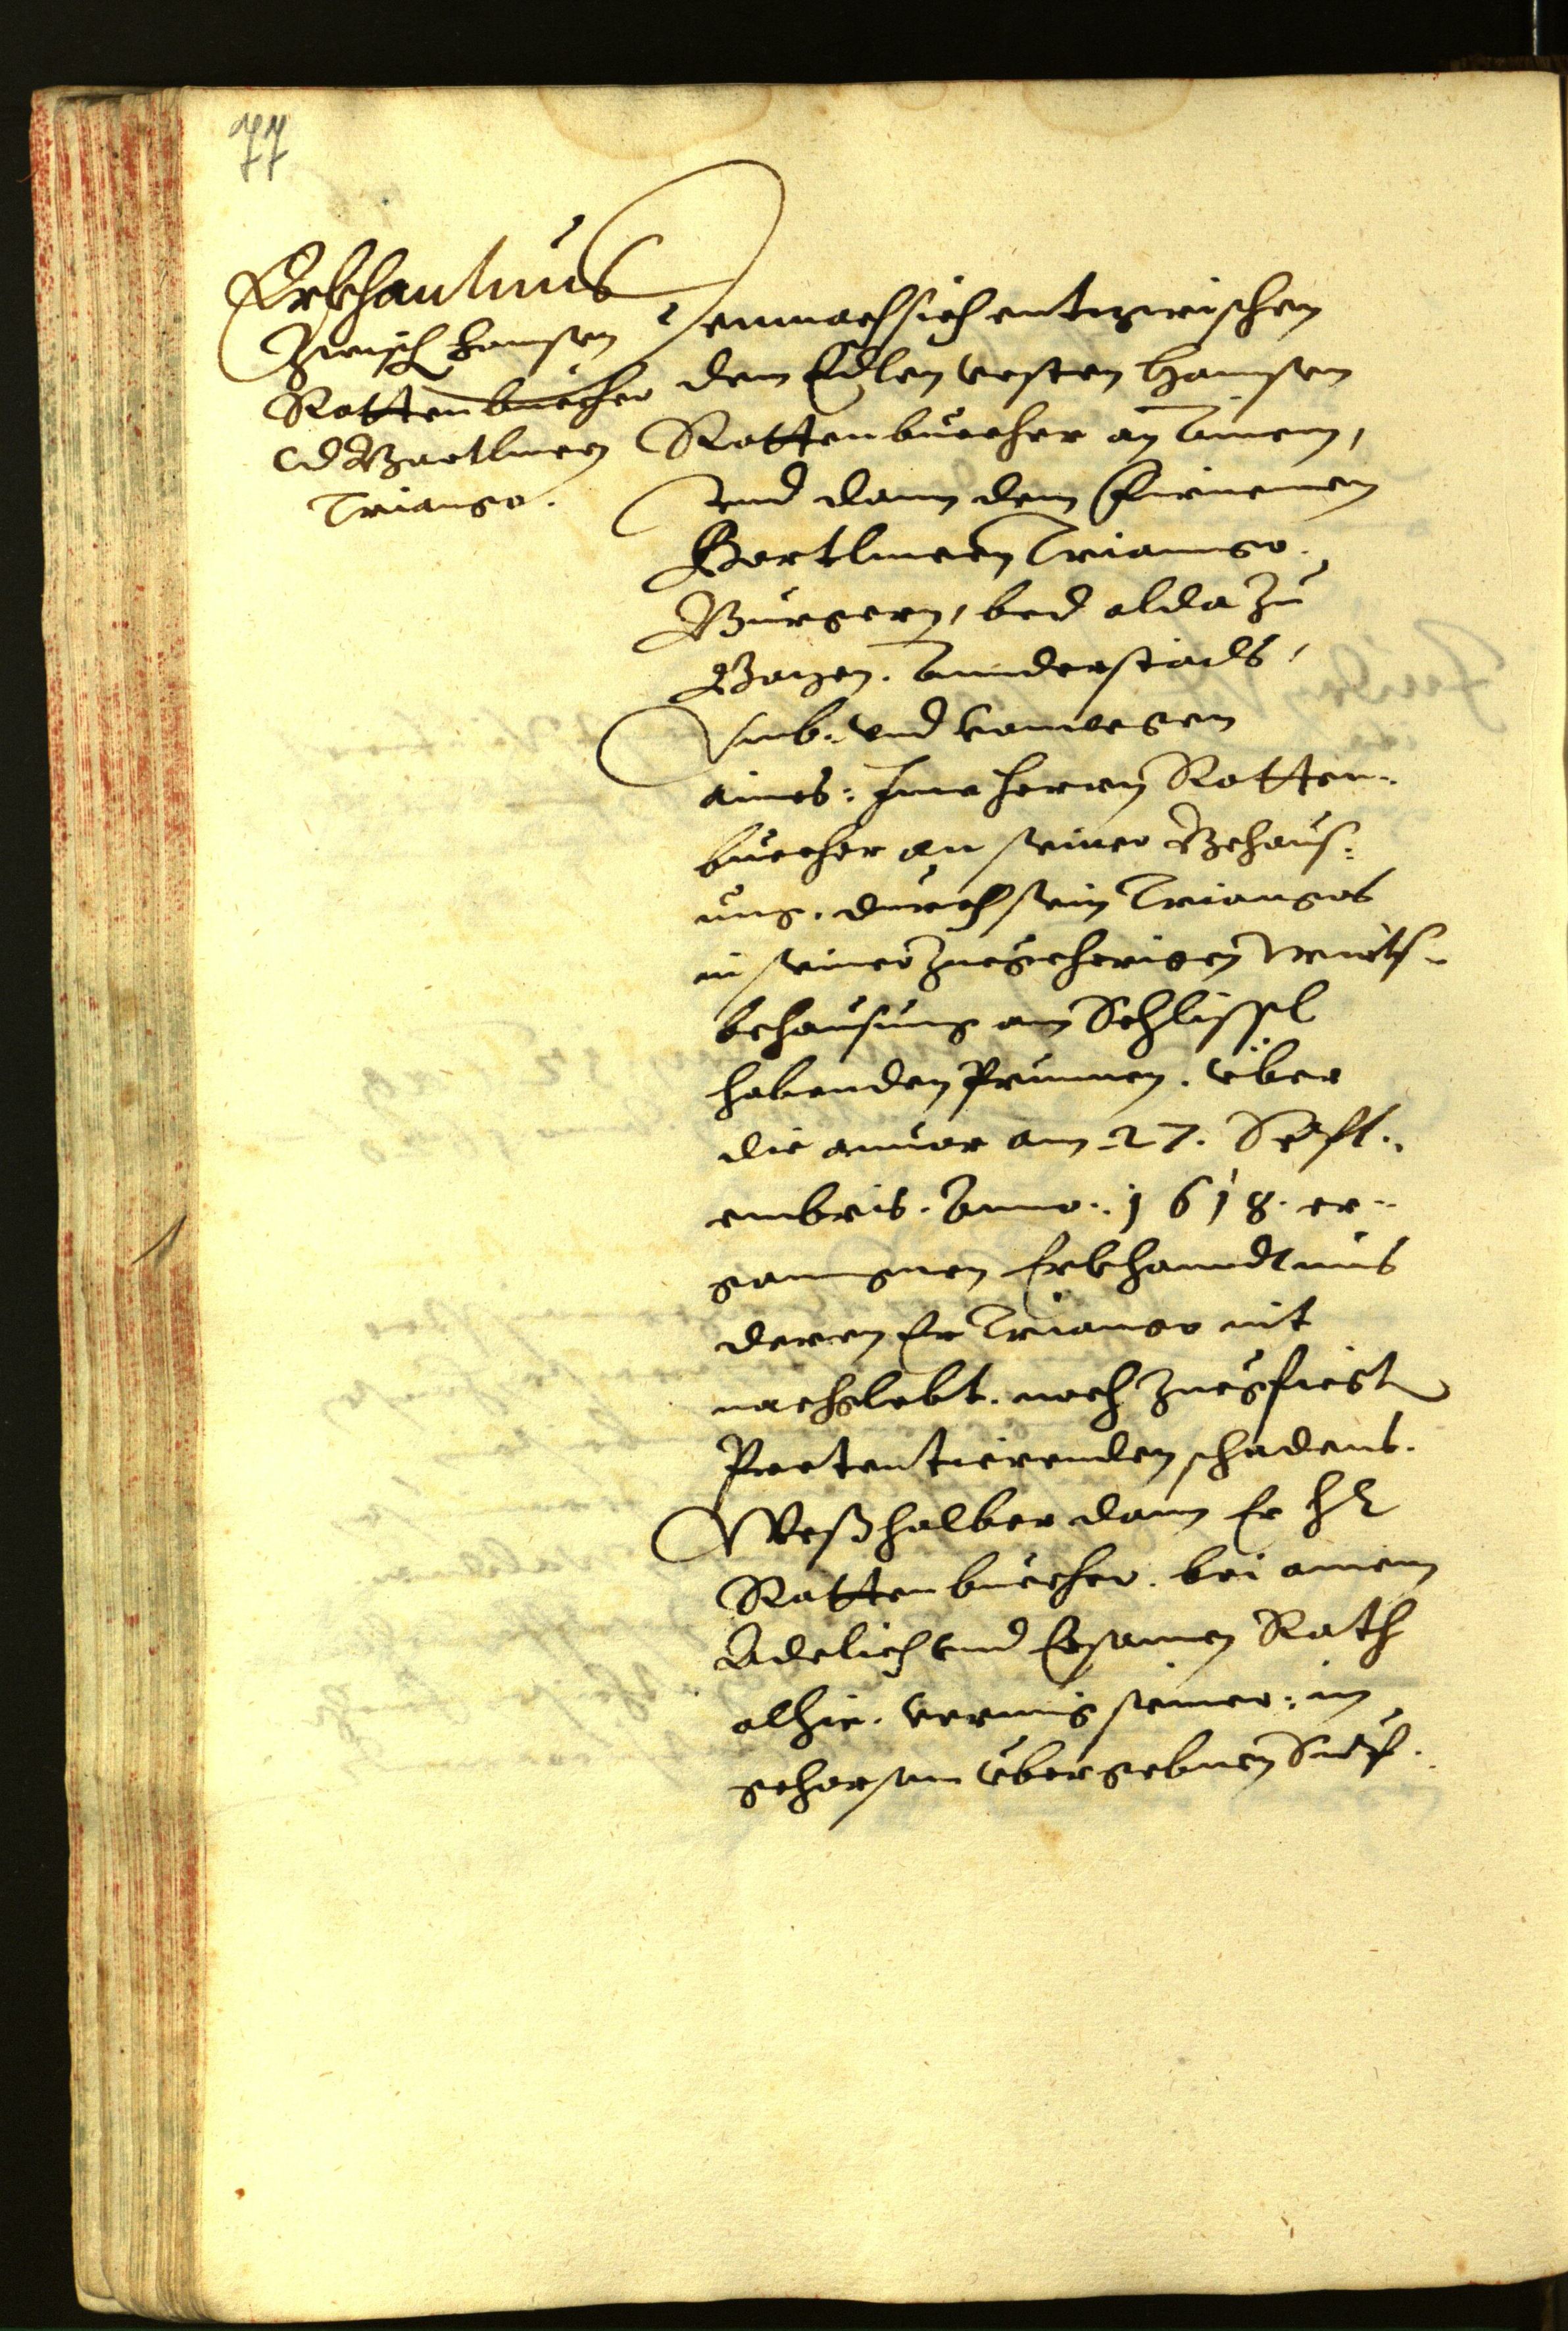77
Demnach sich entzwischen
dem Edlen vesten Hannsen
Rottenbūecher an Ainem,
vnd dann dem Firnemen
Bartlmeen Triango.
Būrgern, bed alda Zū
Bozen. Annderstails,
Vmb: vnd vonwegen
aines: Ime herrn Rotten¬
būecher an seiner Behaūs¬
ūng. dūrch sein Triangos
in seiner Zūegeherigen Wirts¬
behaūsūng am Schlissl
habenden Prūnnen. vber
die anūor am .27. Sept¬
embris. Anno: 1618. er¬
ganngnen Erkhonndtnūs
deren Er Triango nit
nachglebt. noch Zūegfiegt
Pretentierenden schadens.
Weßhalber dann Er hl
Rottenbūecher. bei ainem
Adelich vnd Ersamen Rath
alhie. vermig seiner: in
gehorsam vbergebnen SūP¬
Erkhantnūs
Zwisch hansen
Rottenbūecher
vnd Bartlmeen
Triango.